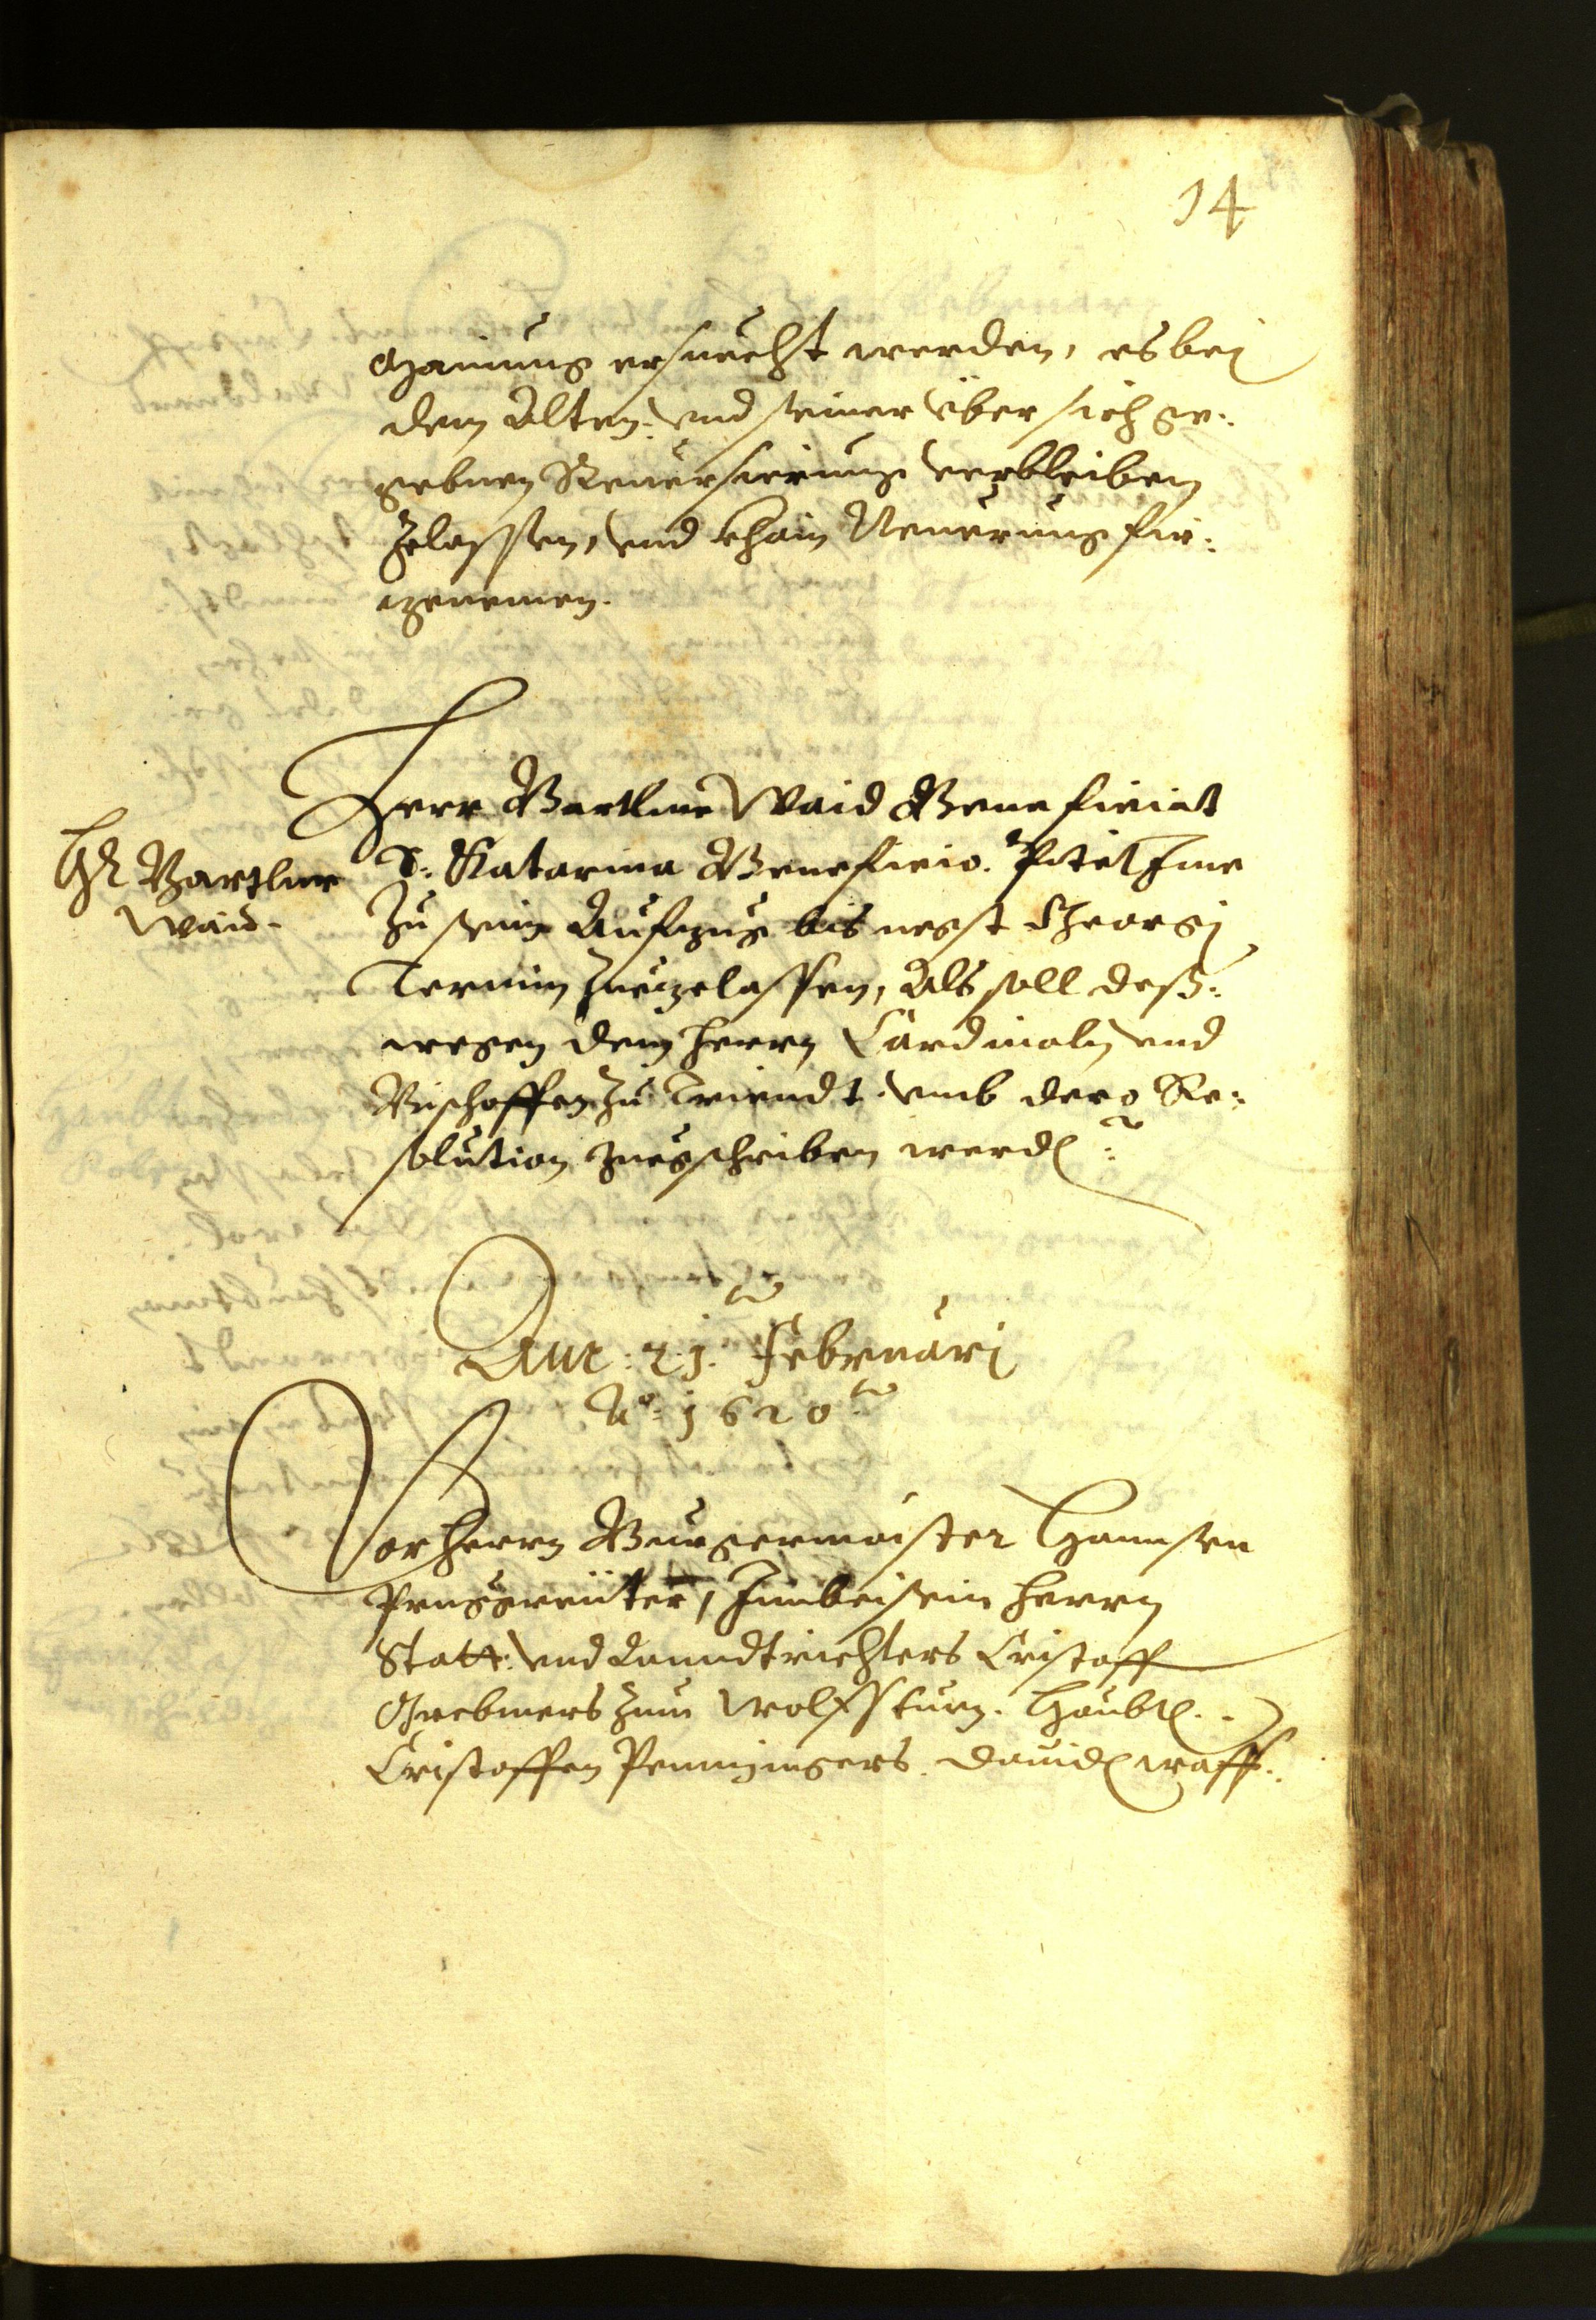14
Mainūng ersūecht werden, es bej
dem Alten. vnd seiner v̈ber sich ge¬
gebnen Reūersierūng verbleiben
Zelassen, vnd khain Neūerūng fir¬
zenemen.
Herr Bartlme Waid Beneficiat
S: Katarina Beneficio. Pitet Ime
Zū sein Aūfzūg bis negst Georgj
Termin Zūezelassen, Als soll dess¬
wegen dem herrn Cardinaln vnd
Bischoffen Zū Triendt. vmb dero Re¬
solūtion Zūegschriben werd:
H Bartlme
Waid.
Am: 21t. Febrūarj
Ao: 1620t.
Vor herrn Būrgermaister Hannsen
Prūggreüter, Innbeisein herrn
Statt: vnd Lanndtrichters Cristoff
Grebmers Zūm Wolfstūrn. Haūbt.
Cristoffen Pennzingers. daūid Waff¬